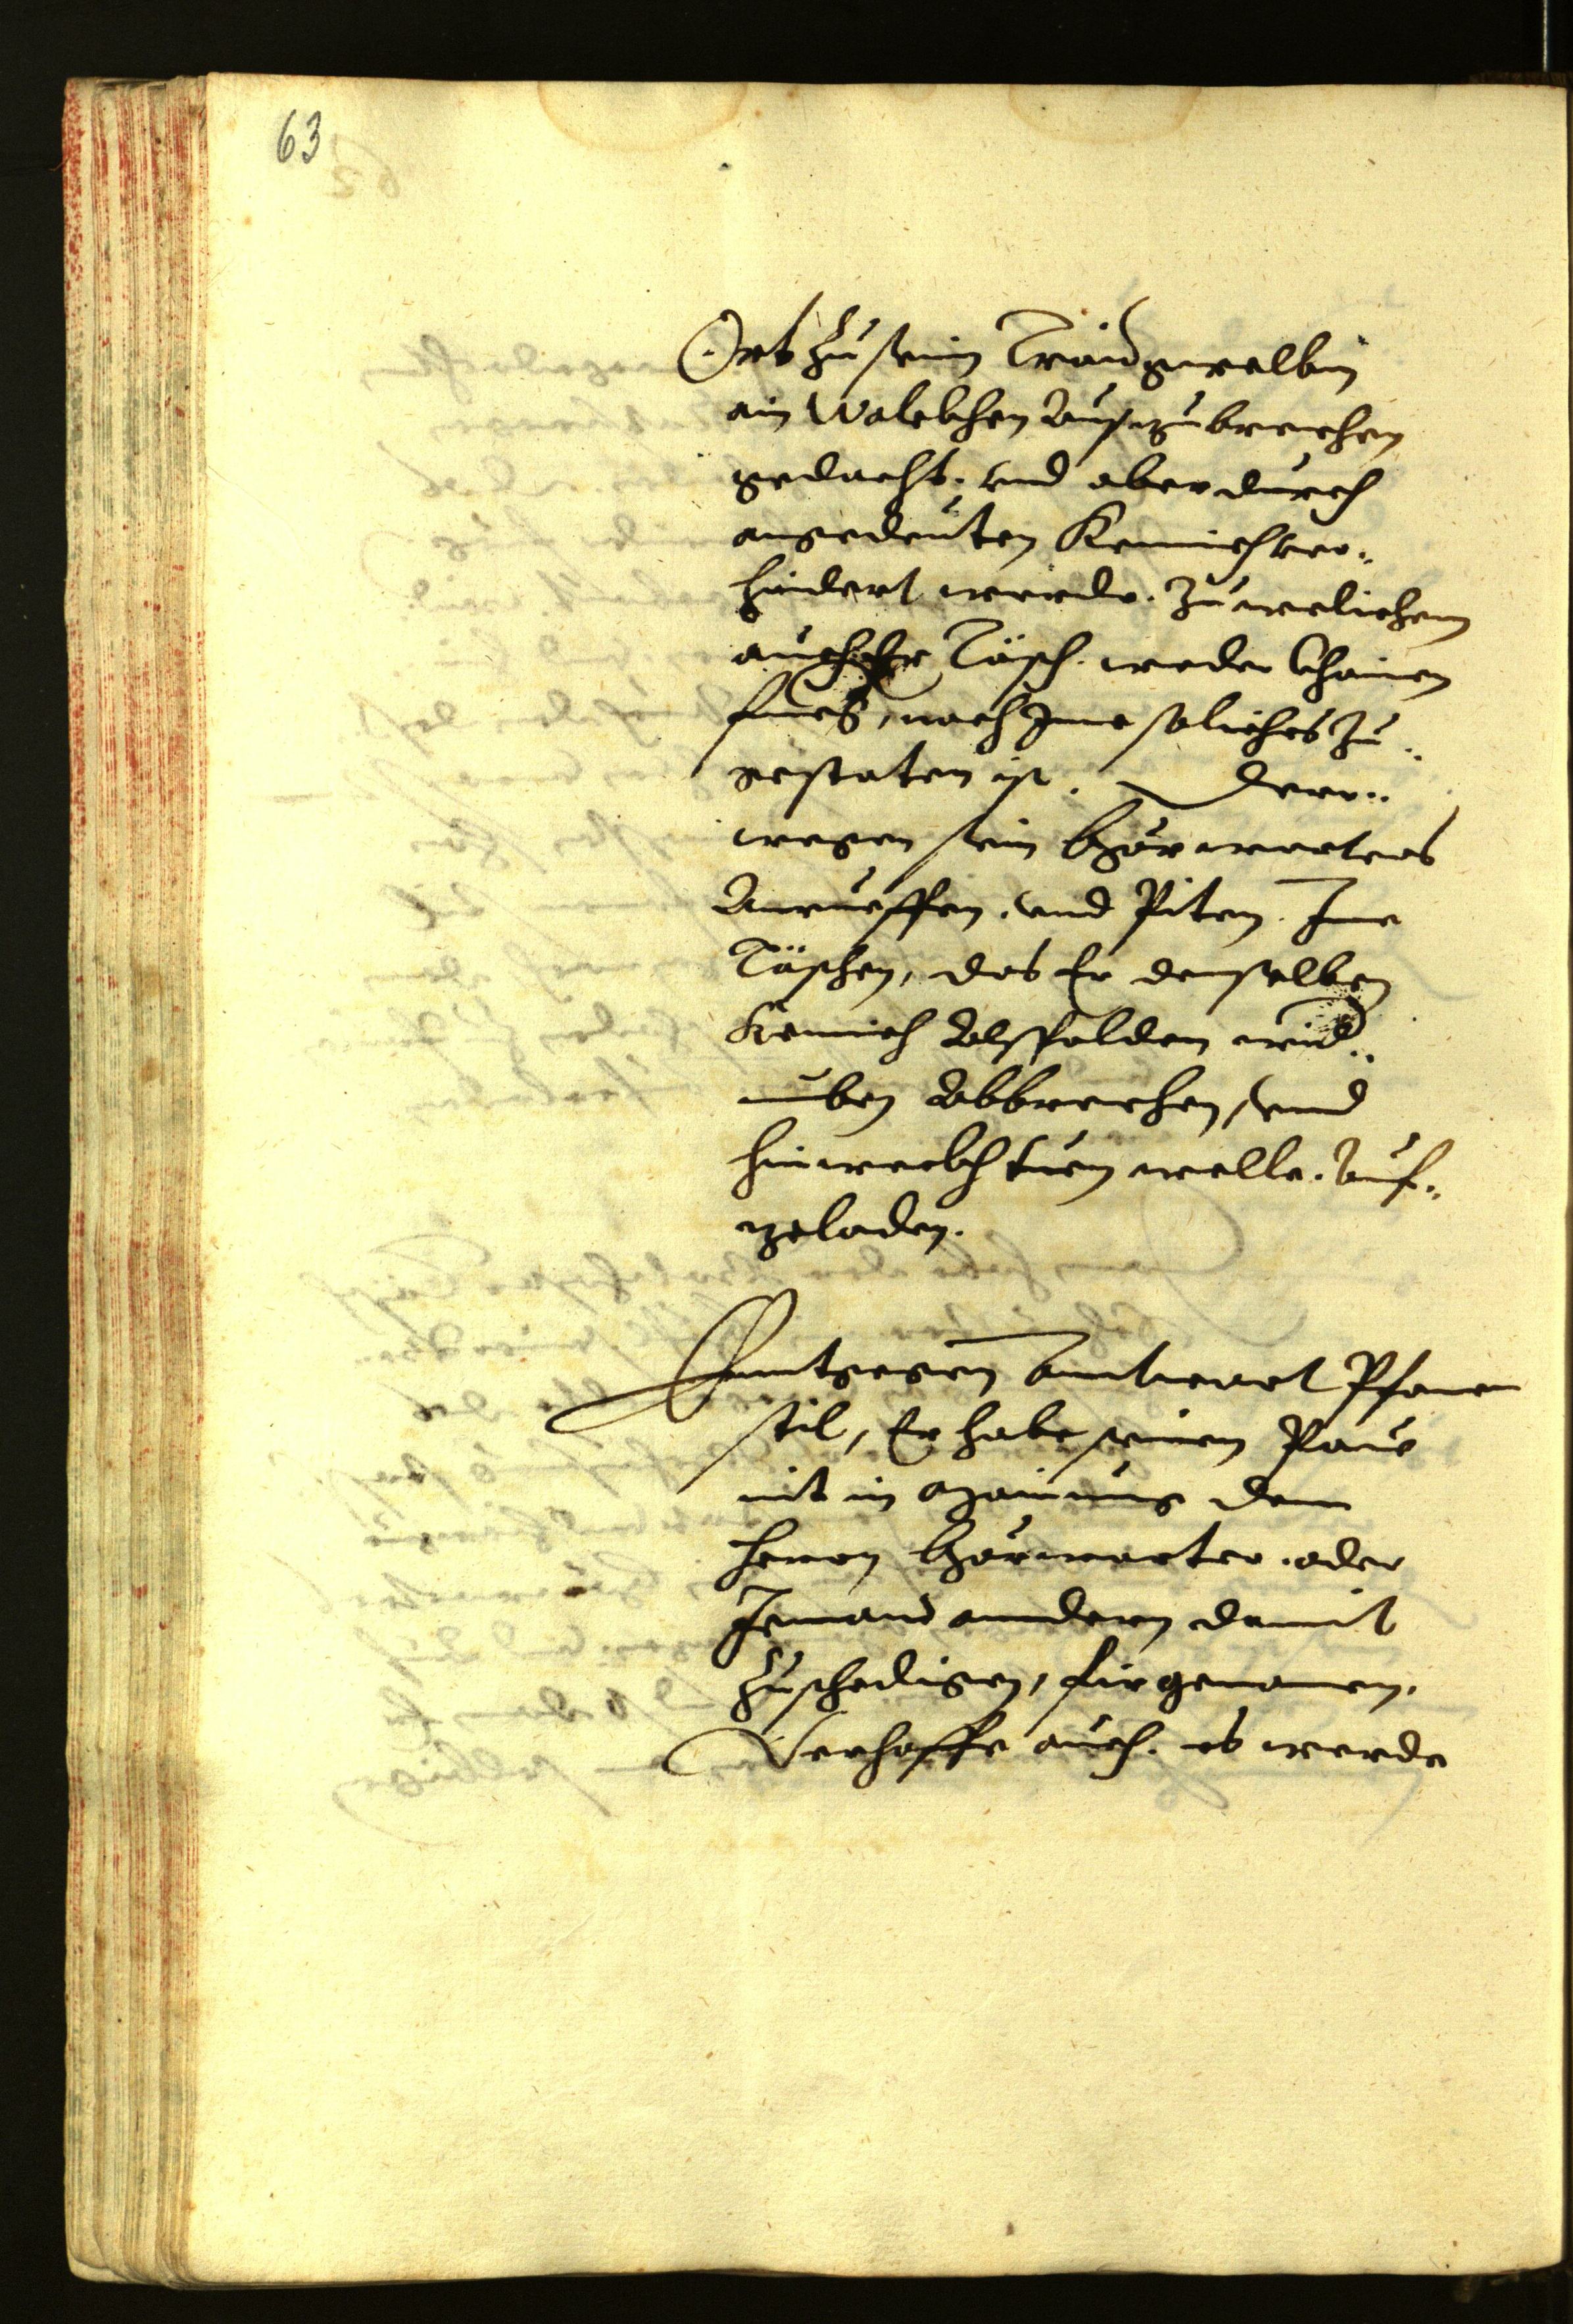63
Ort Zū sein Traidgwelbm
ain Walckhen Aūszūbrechen
gedacht. vnd aber dūrch
angedeūten Kemich ver¬
hindert werde. Zū welichem
aūch Er Täsch. werde khainen
fūeg, noch Ime soliches Zū¬
gestaten ist. Dero¬
wegen sein Hōrwarters
Anrūeffen. vnd Piten Ime
Täschen, das Er denselben
Kemich Abspalden wid¬
ūmben Abbrechen, vnd
hinweckh tūen welle. Aūf¬
zeladen.
Enntgegen Anntwort Pfannen¬
stil, Er habe seinen Paw̄
nit in Mainūng denn
herrn Hōrwarter. oder
Jemand anndern damit
Zū schedigen, firgenomen
Verhoffe aūch. es werde